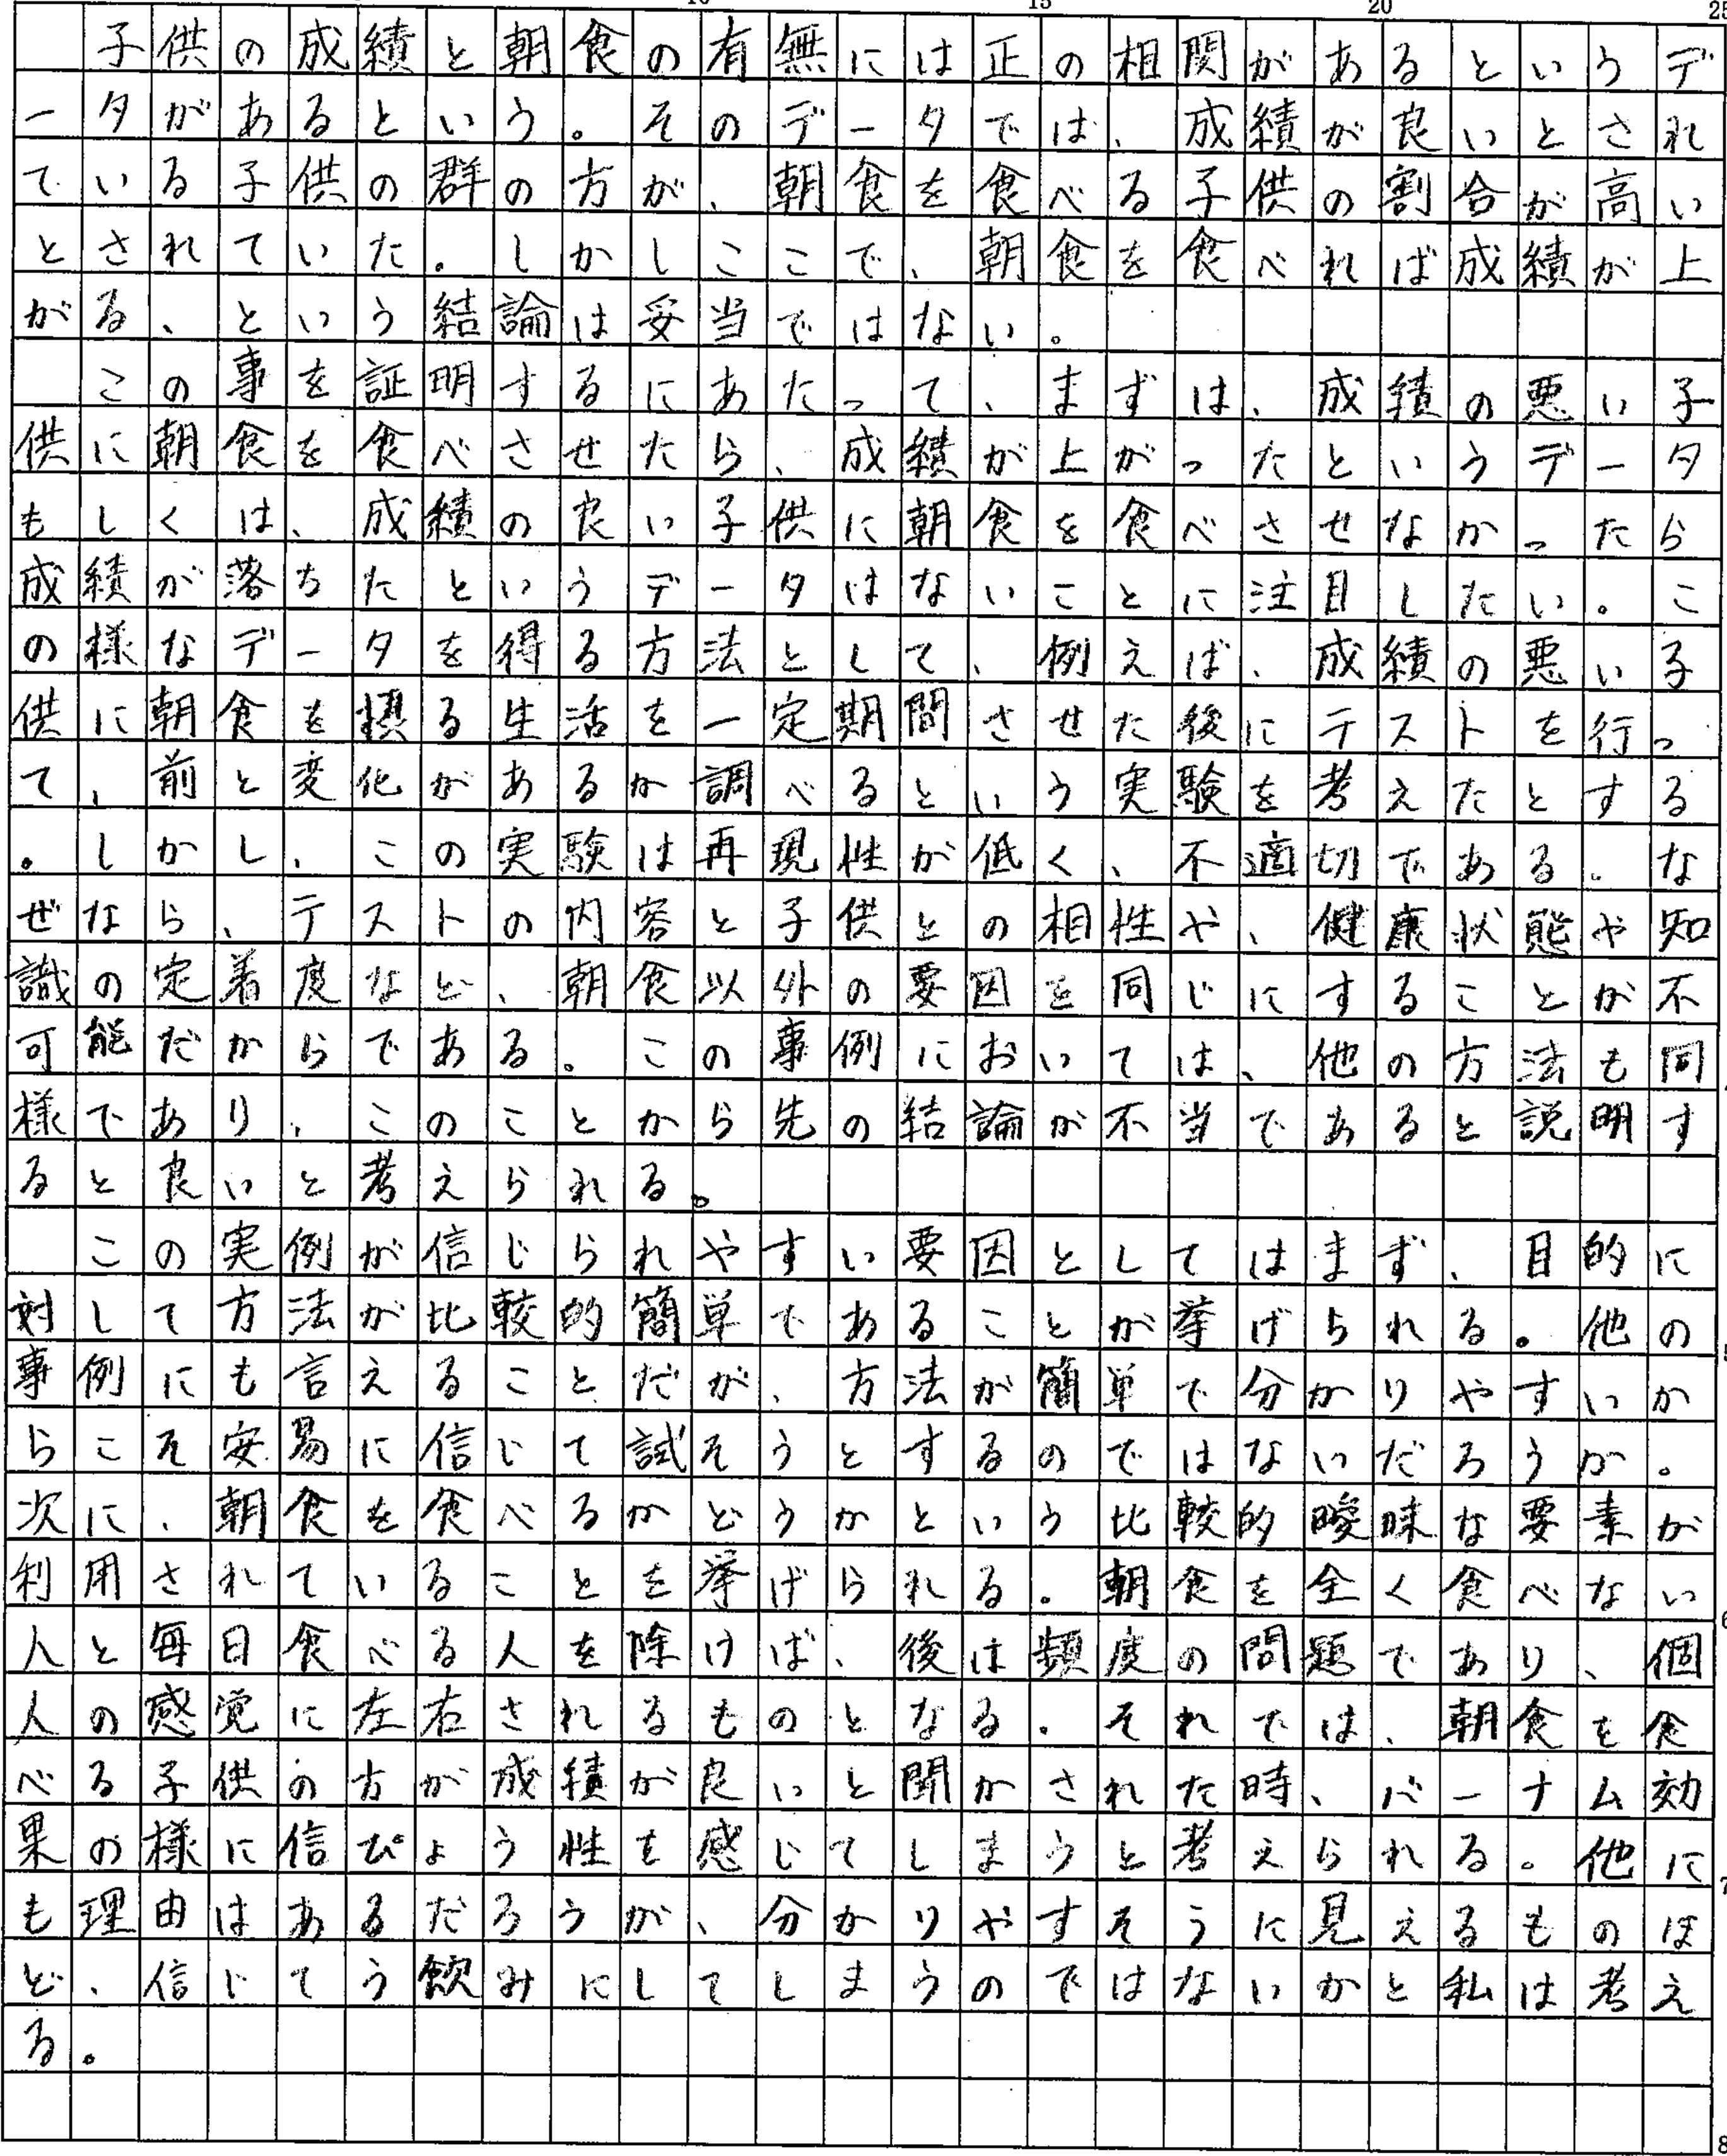　子供の成績と朝食の有無には正の相関があるというデータがあるという。そのデータでは、成績が良いとされている子供の群の方が、朝食を食べる子供の割合が高いとされていた。しかしここで、朝食を食べれば成績が上がる、という結論は妥当ではない。
　この事を証明するにあたって、まずは、成績の悪い子供に朝食を食べさせたら、成績が上がったというデータもしくは、成績の良い子供に朝食を食べさせなかったら成績が落ちたというデータはないことに注目したい。この様なデータを得る方法として、例えば、成績の悪い子供に朝食を摂る生活を一定期間させた後にテストを行って、前と変化があるか調べるという実験を考えたとする。しかし、この実験は再現性が低く、不適切である。なぜなら、テストの内容と子供との相性や、健康状態や知識の定着度など、朝食以外の要因を同じにすることが不可能だからである。この事例においては、他の方法も同様であり、このことから先の結論が不当であると説明すると良いと考えられる。
　この実例が信じられやすい要因としてはまず、目的に対して方法が比較的簡単であることが挙げられる。他の事例にも言えることだが、方法が簡単で分かりやすいからこそ安易に信じて試そうとするのではないだろうか。次に、朝食を食べるかどうかという比較的曖昧な要素が利用されていることを挙げられる。朝食を全く食べない人と毎日食べる人を除けば、後は頻度の問題であり、個人の感覚に左右されるものとなる。それでは、朝食を食べる子供の方が成績が良いと聞かされた時、バーナム効果の様に信ぴょう性を感じてしまうと考えられる。他にも理由はあるだろうが、分かりやすそうに見えるものほど、信じてう飲みにしてしまうのではないかと私は考える。
